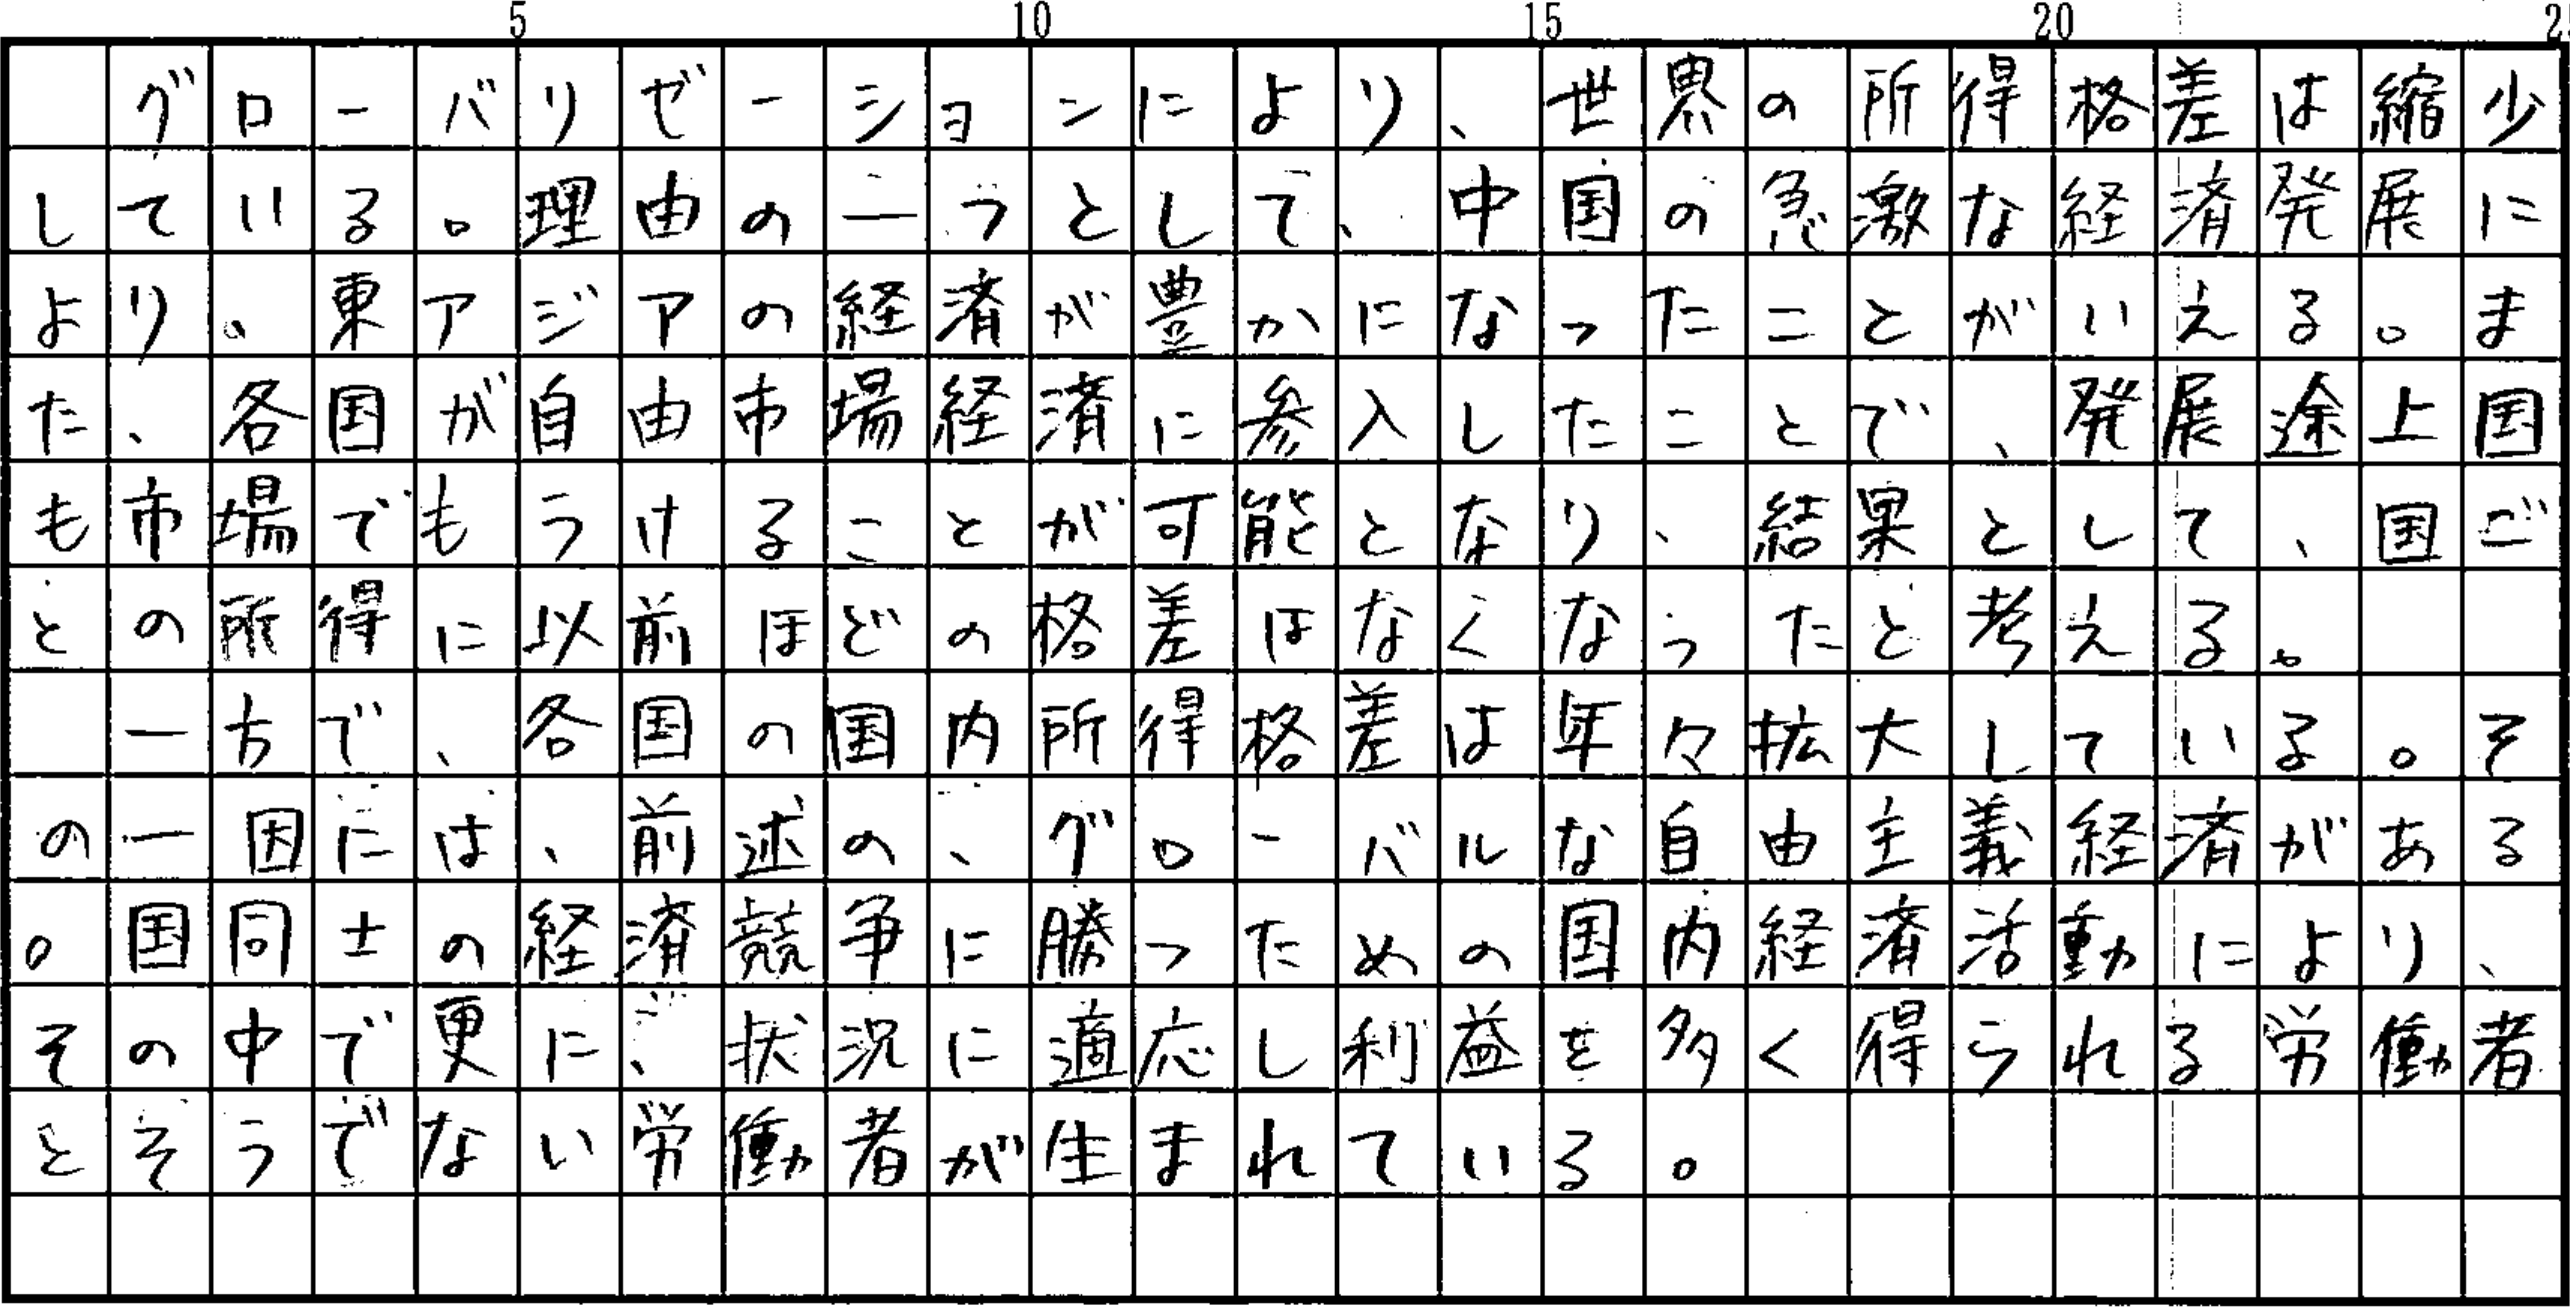　グローバリゼーションにより、世界の所得格差は縮少している。理由の一つとして、中国の急激な経済発展により、東アジアの経済が豊かになったことがいえる。また、各国が自由市場経済に参入したことで、発展途上国も市場でもうけることが可能となり、結果として、国ごとの所得に以前ほどの格差はなくなったと考える。
　一方で、各国の国内所得格差は年々拡大している。その一因には、前述の、グローバルな自由主義経済がある。国同士の経済競争に勝つための国内経済活動により、その中で更に、状況に適応し利益を多く得られる労働者とそうでない労働者が生まれている。
